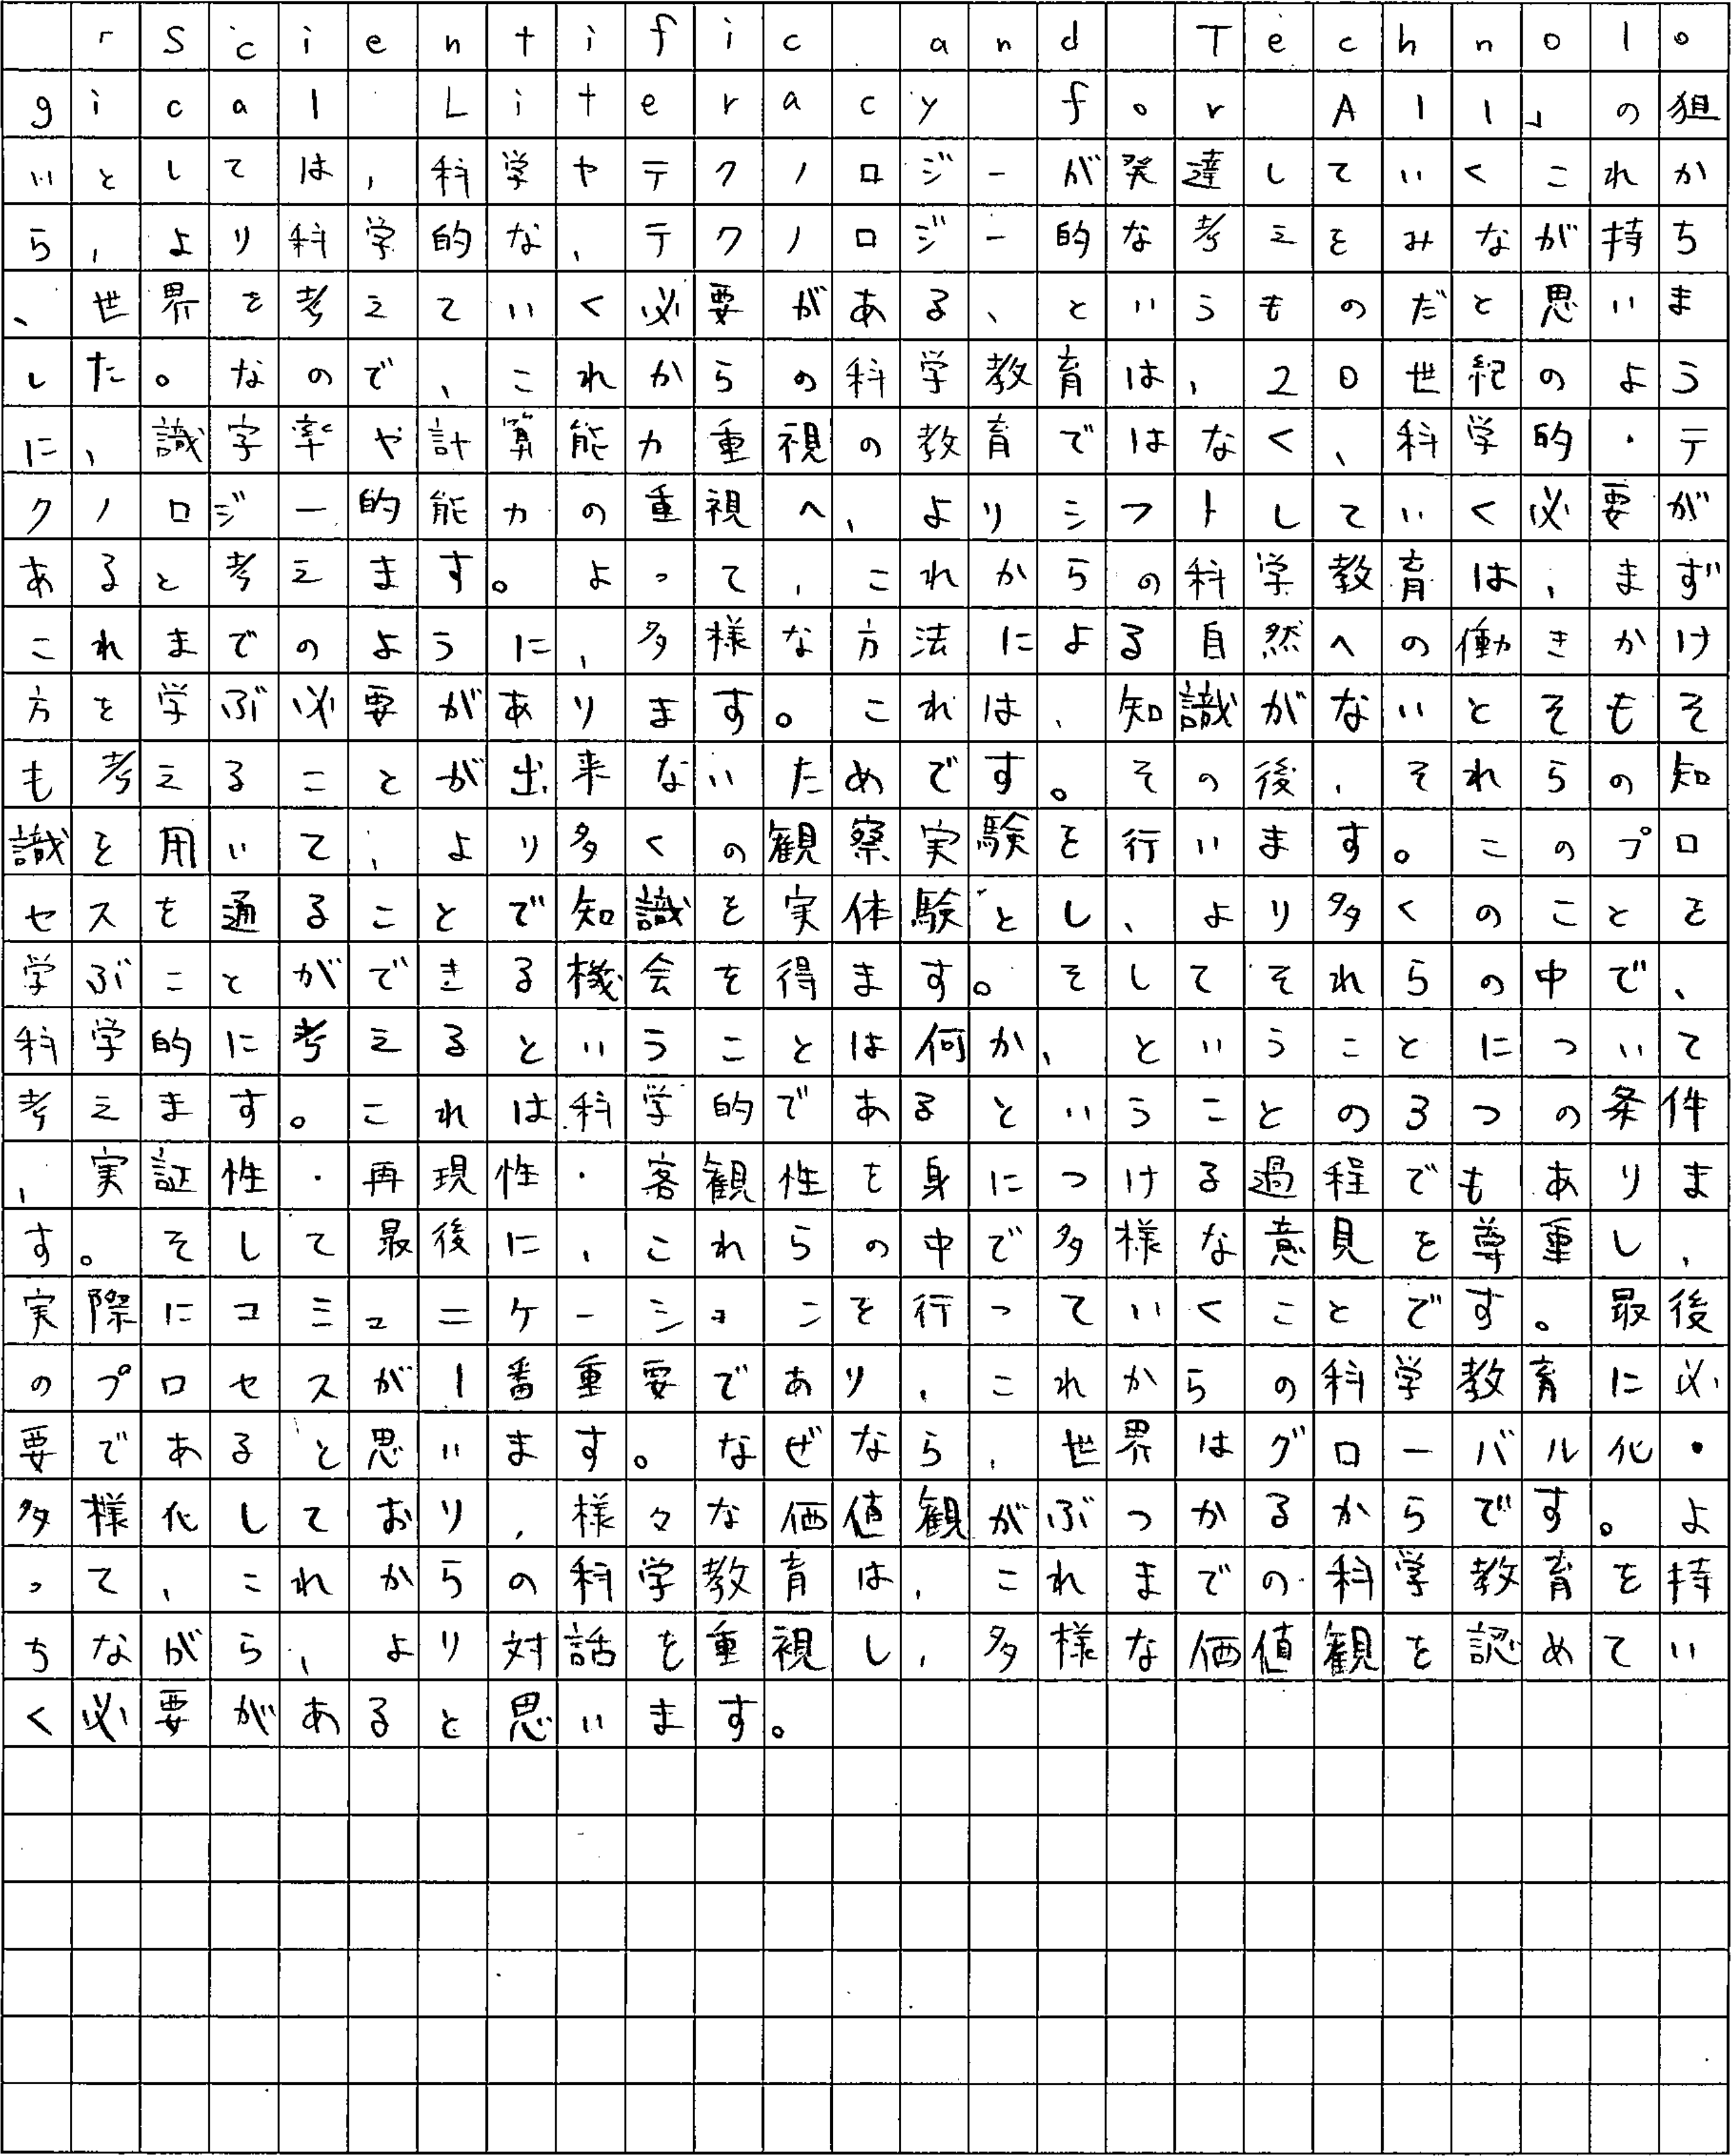　「Ｓｃｉｅｎｔｉｆｉｃ　ａｎｄ　Ｔｅｃｈｎｏｌｏｇｉｃａｌ　Ｌｉｔｅｒａｃｙ　ｆｏｒ　Ａｌｌ」の狙いとしては、科学やテクノロジーが発達していくこれから、より科学的な、テクノロジー的な考えをみなが持ち、世界を考えていく必要がある、というものだと思いました。なので、これからの科学教育は、２０世紀のように、識字率や計算能力重視の教育ではなく、科学的・テクノロジー的能力の重視へ、よりシフトしていく必要があると考えます。よって、これからの科学教育は、まずこれまでのように、多様な方法による自然への働きかけ方を学ぶ必要があります。これは、知識がないとそもそも考えることが出来ないためです。その後、それらの知識を用いて、より多くの観察実験を行います。このプロセスを通ることで知識を実体験とし、より多くのことを学ぶことができる機会を得ます。そしてそれらの中で、科学的に考えるということは何か、ということについて考えます。これは科学的であるというということの３つの条件、実証性・再現性・客観性を身につける過程でもあります。そして最後に、これらの中で多様な意見を尊重し、実際にコミュニケーションを行っていくことです。最後のプロセスが１番重要であり、これからの科学教育に必要であると思います。なぜなら、世界はグローバル化・多様化しており、様々な価値観がぶつかるからです。よって、これからの科学教育は、これまでの科学教育を持ちながら、より対話を重視し、多様な価値観を認めていく必要があると思います。
